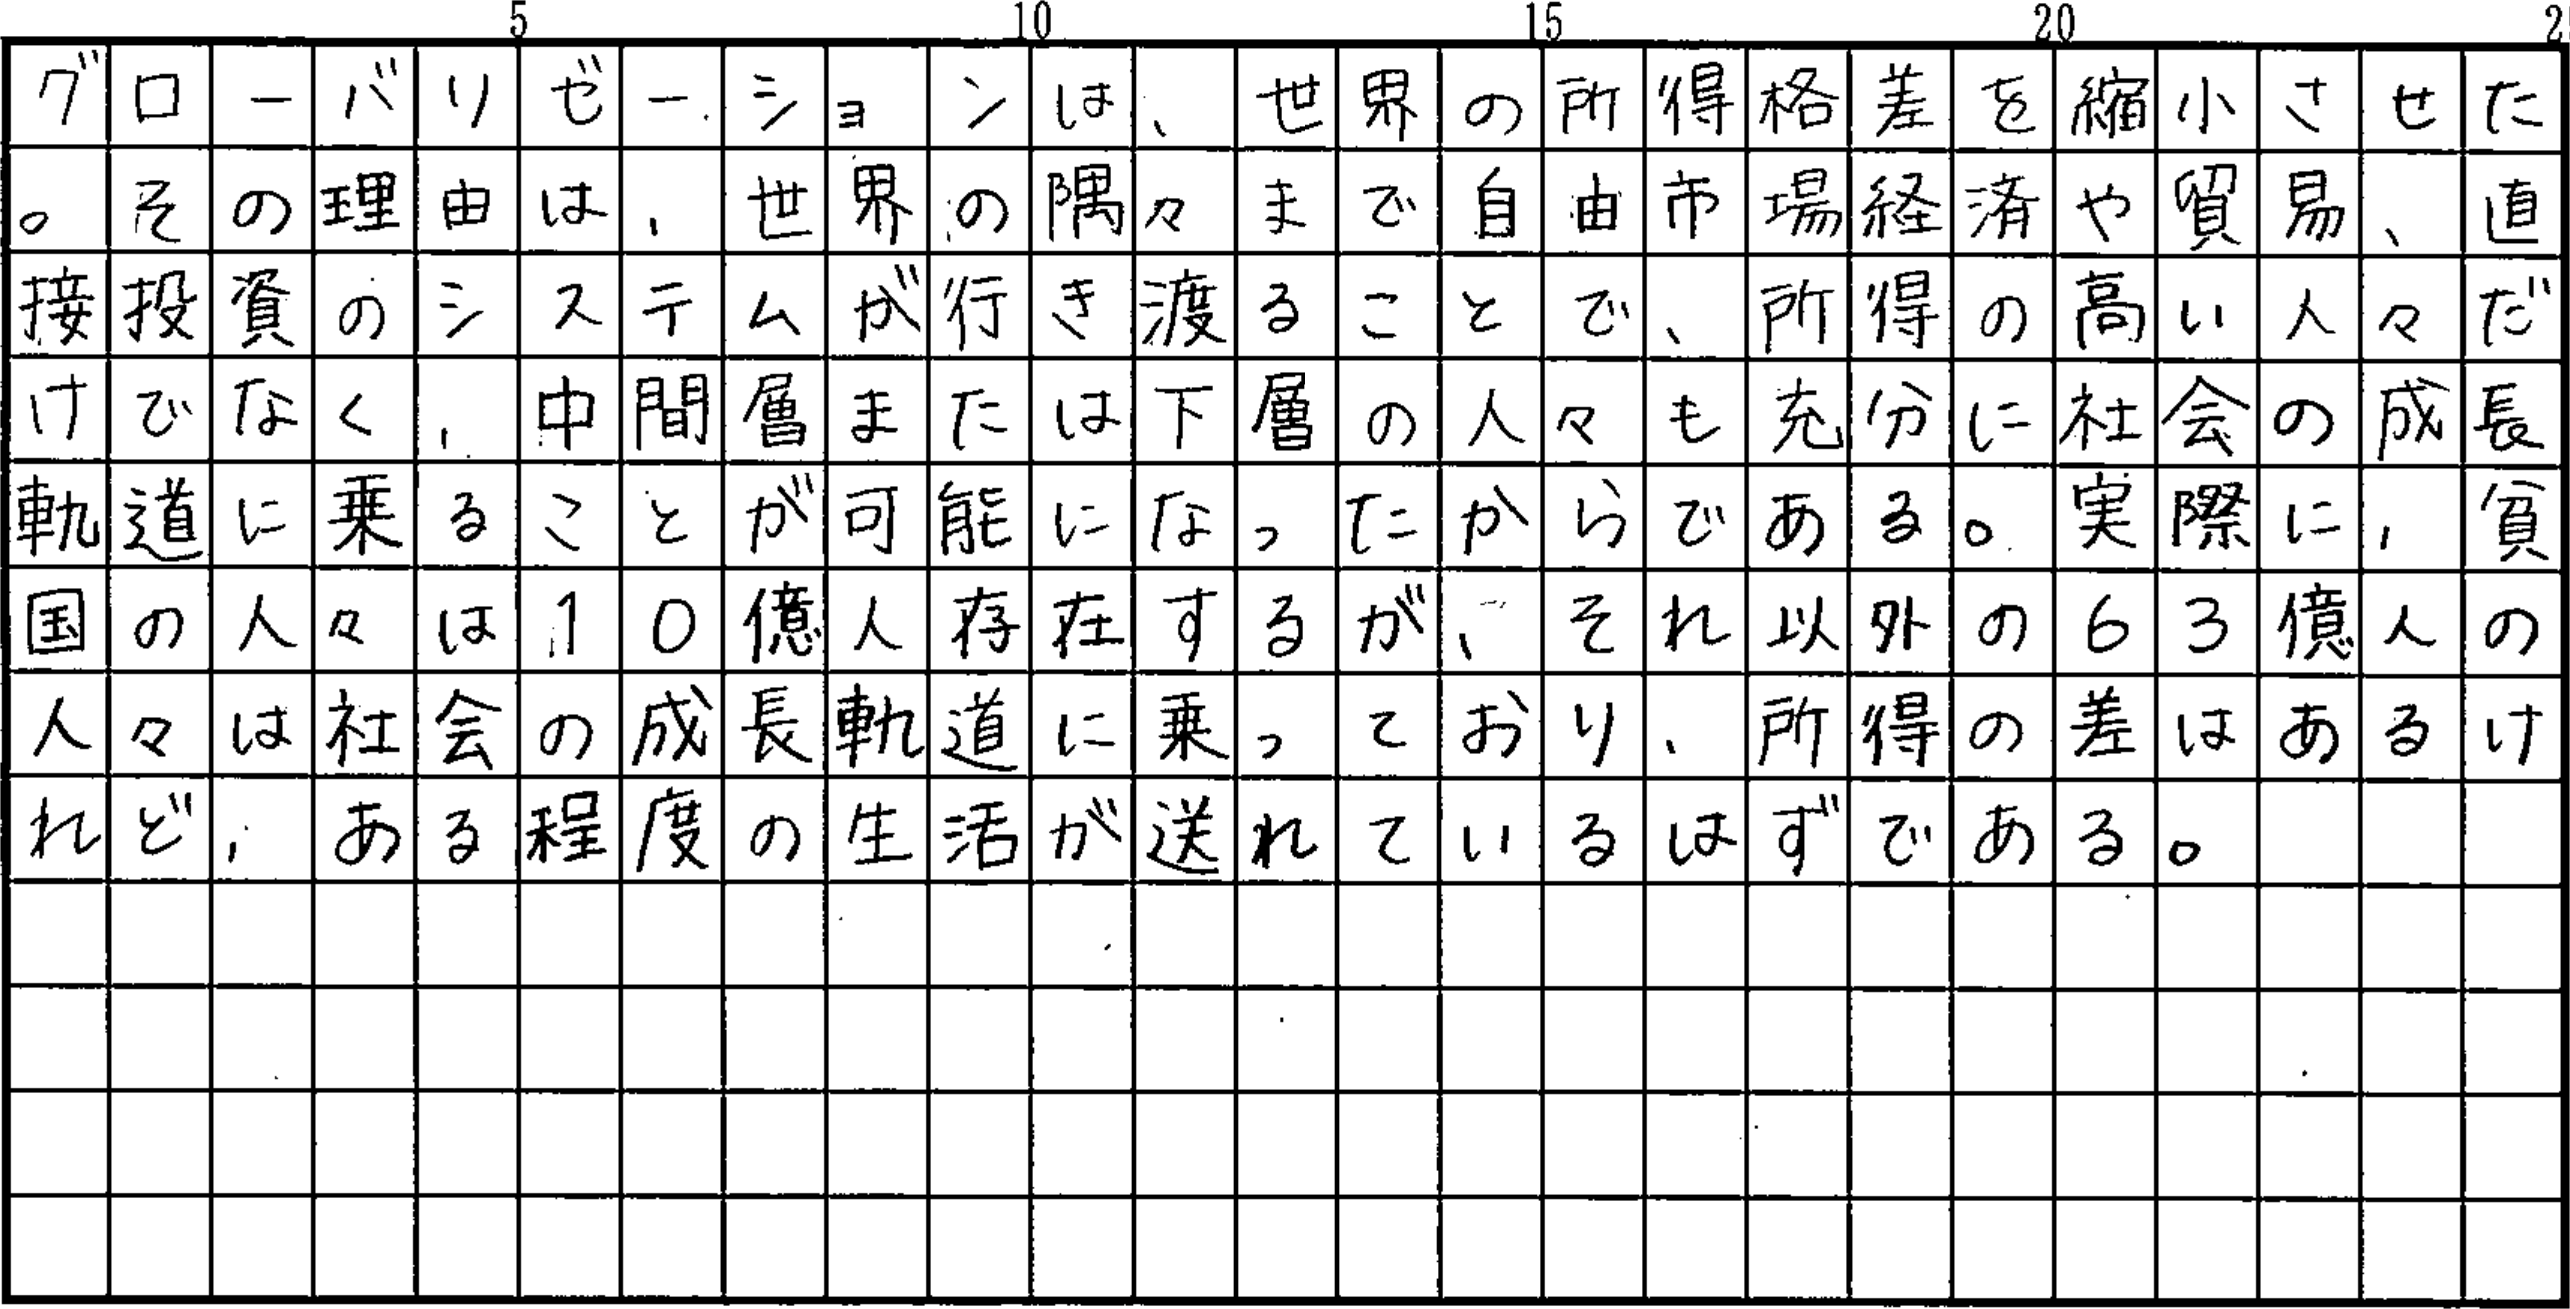グローバリゼーションは、世界の所得格差を縮小させた。その理由は、世界の隅々まで自由市場経済や貿易、直接投資のシステムが行き渡ることで、所得の高い人々だけでなく、中間層または下層の人々も充分に社会の成長軌道に乗ることが可能になったからである。実際に、貧国の人々は１０億人存在するが、それ以外の６３億人の人々は社会の成長軌道に乗っており、所得の差はあるけれど、ある程度の生活が送れているはずである。
